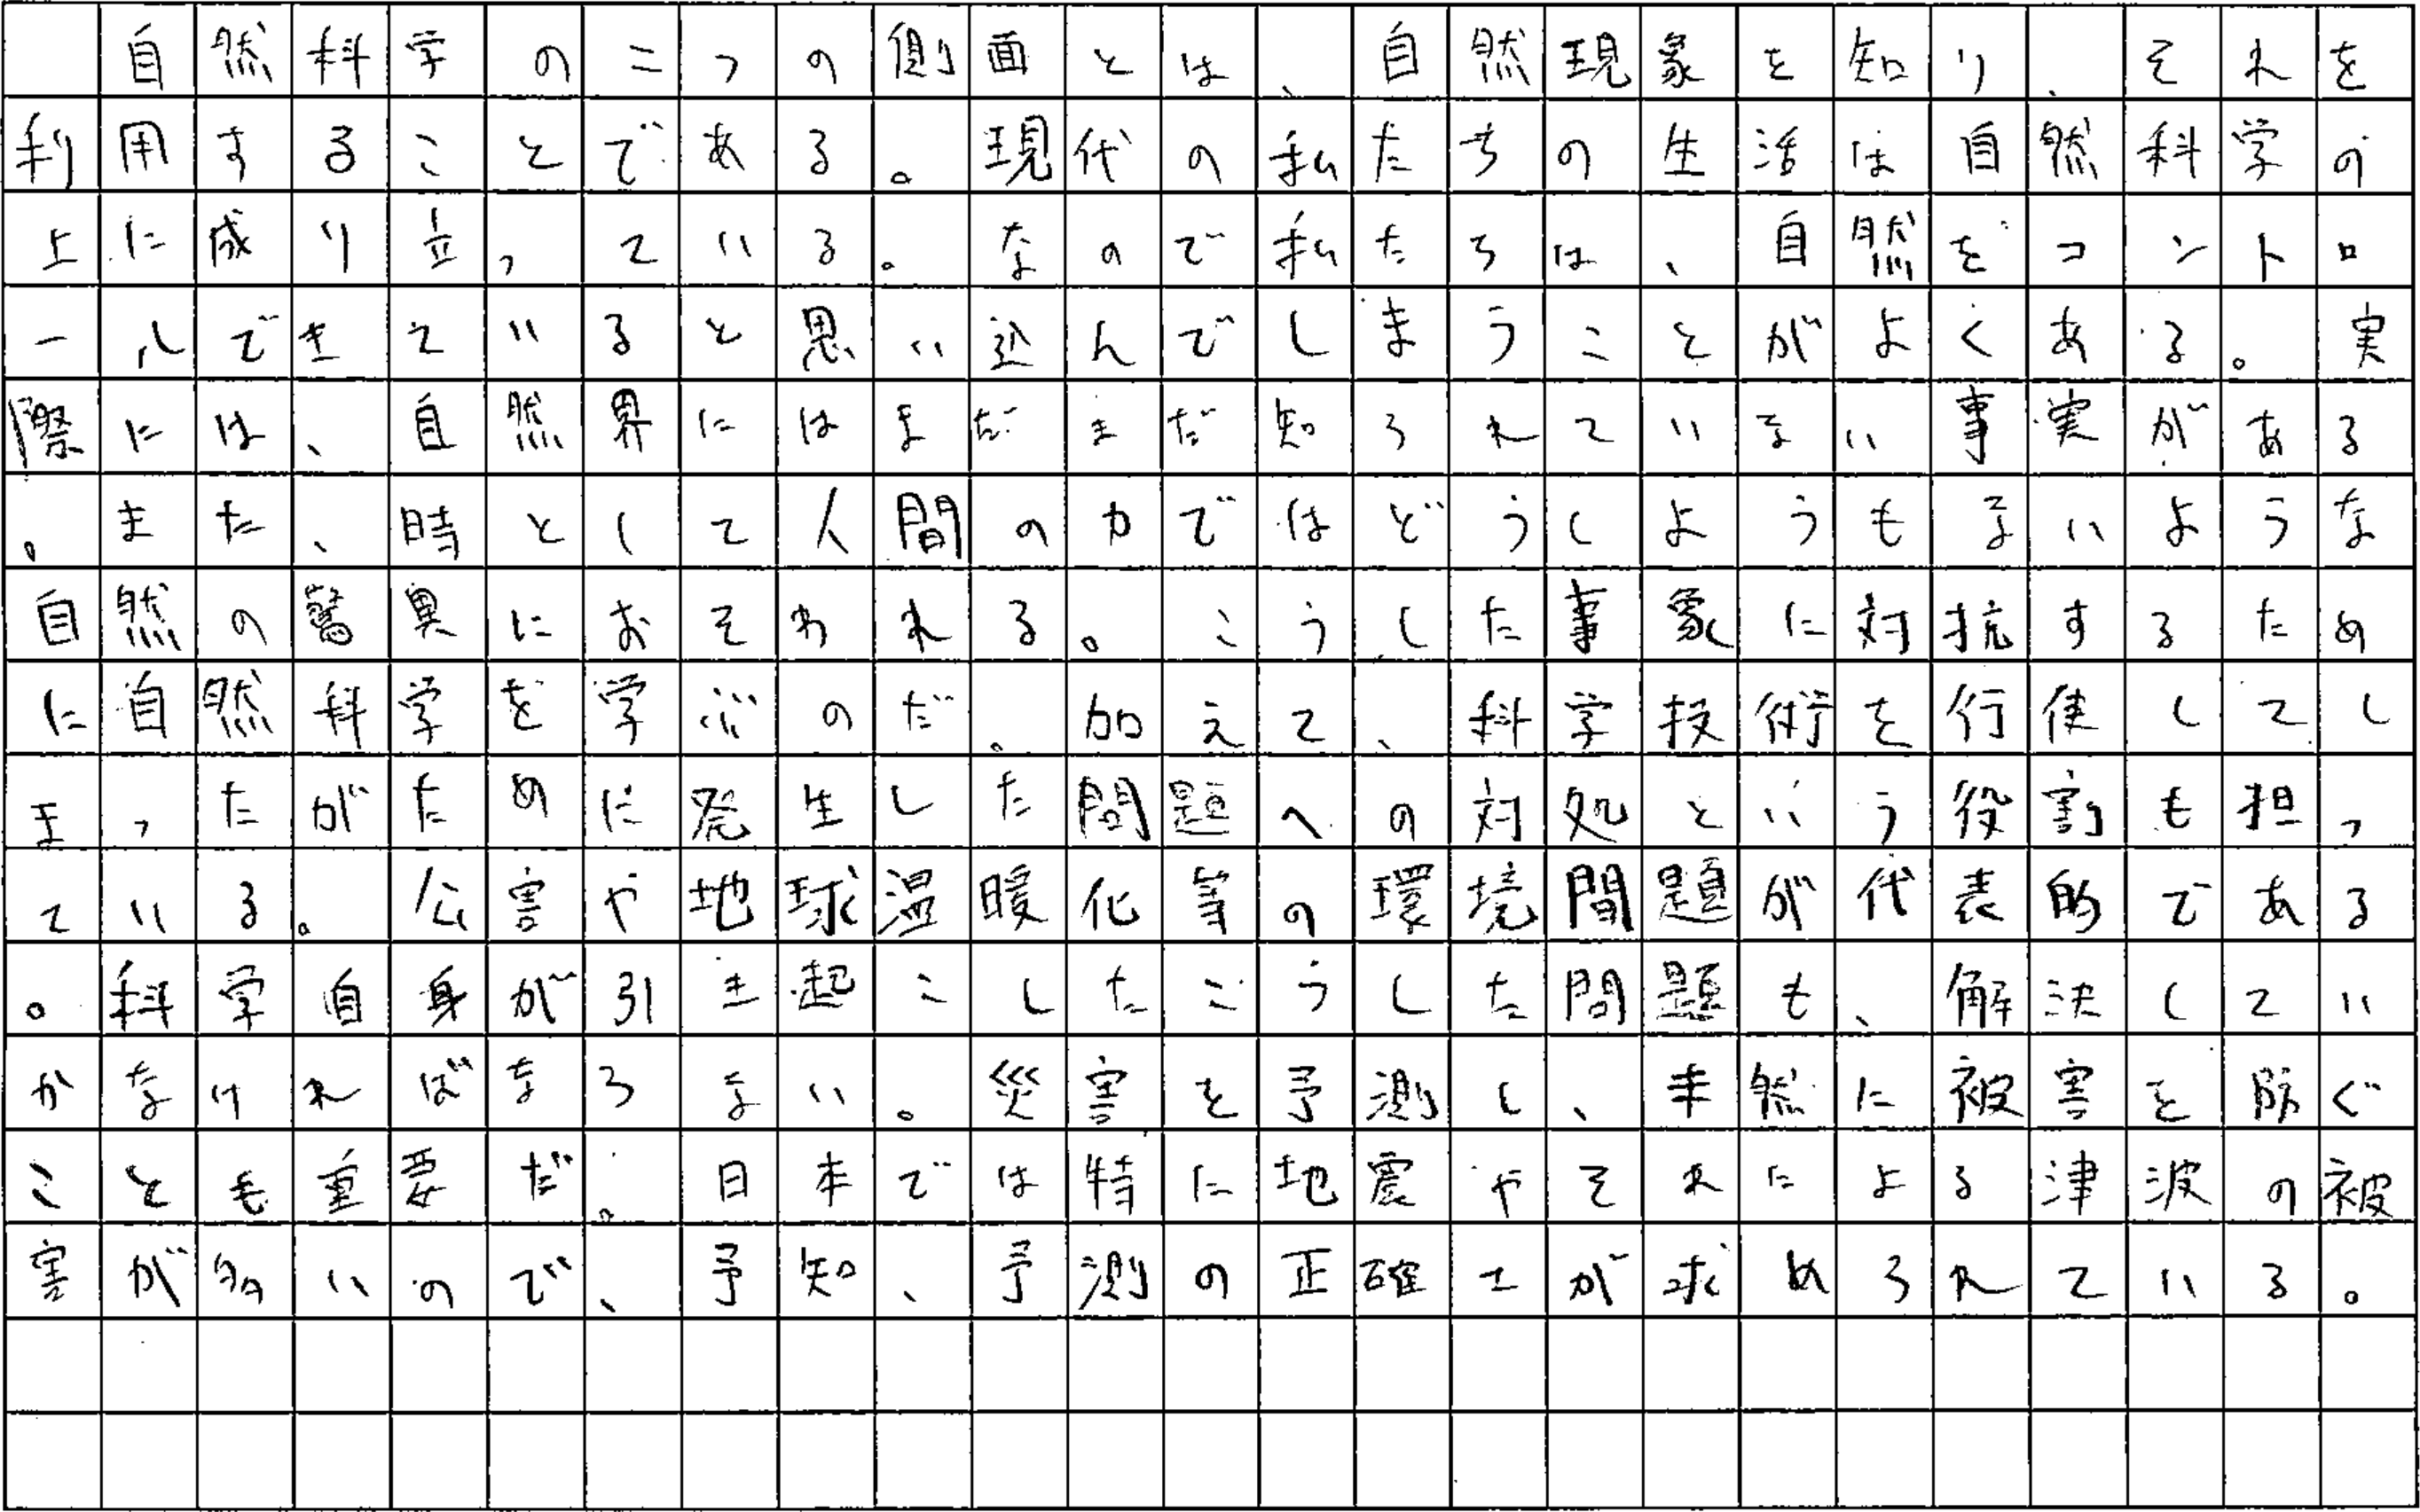　自然科学の二つの側面とは、自然現象を知り、それを利用することである。現代の私たちの生活は自然科学の上に成り立っている。なので私たちは、自然をコントロールできていると思い込んでしまうことがよくある。実際には、自然界にはまだまだ知られていない事実がある。また、時として人間の力ではどうしようもないような自然の驚異におそわれる。こうした事象に対抗するために自然科学を学ぶのだ。加えて、科学技術を行使してしまったがために発生した問題への対処という役割も担っている。公害や地球温暖化等の環境間題が代表的である。科学自身が引き起こしたこうした問題も、解決していかなければならない。災害を予測し、未然に被害を防ぐことも重要だ。日本では特に地震やそれによる津波の被害が多いので、予知、予測の正確さが求められている。
